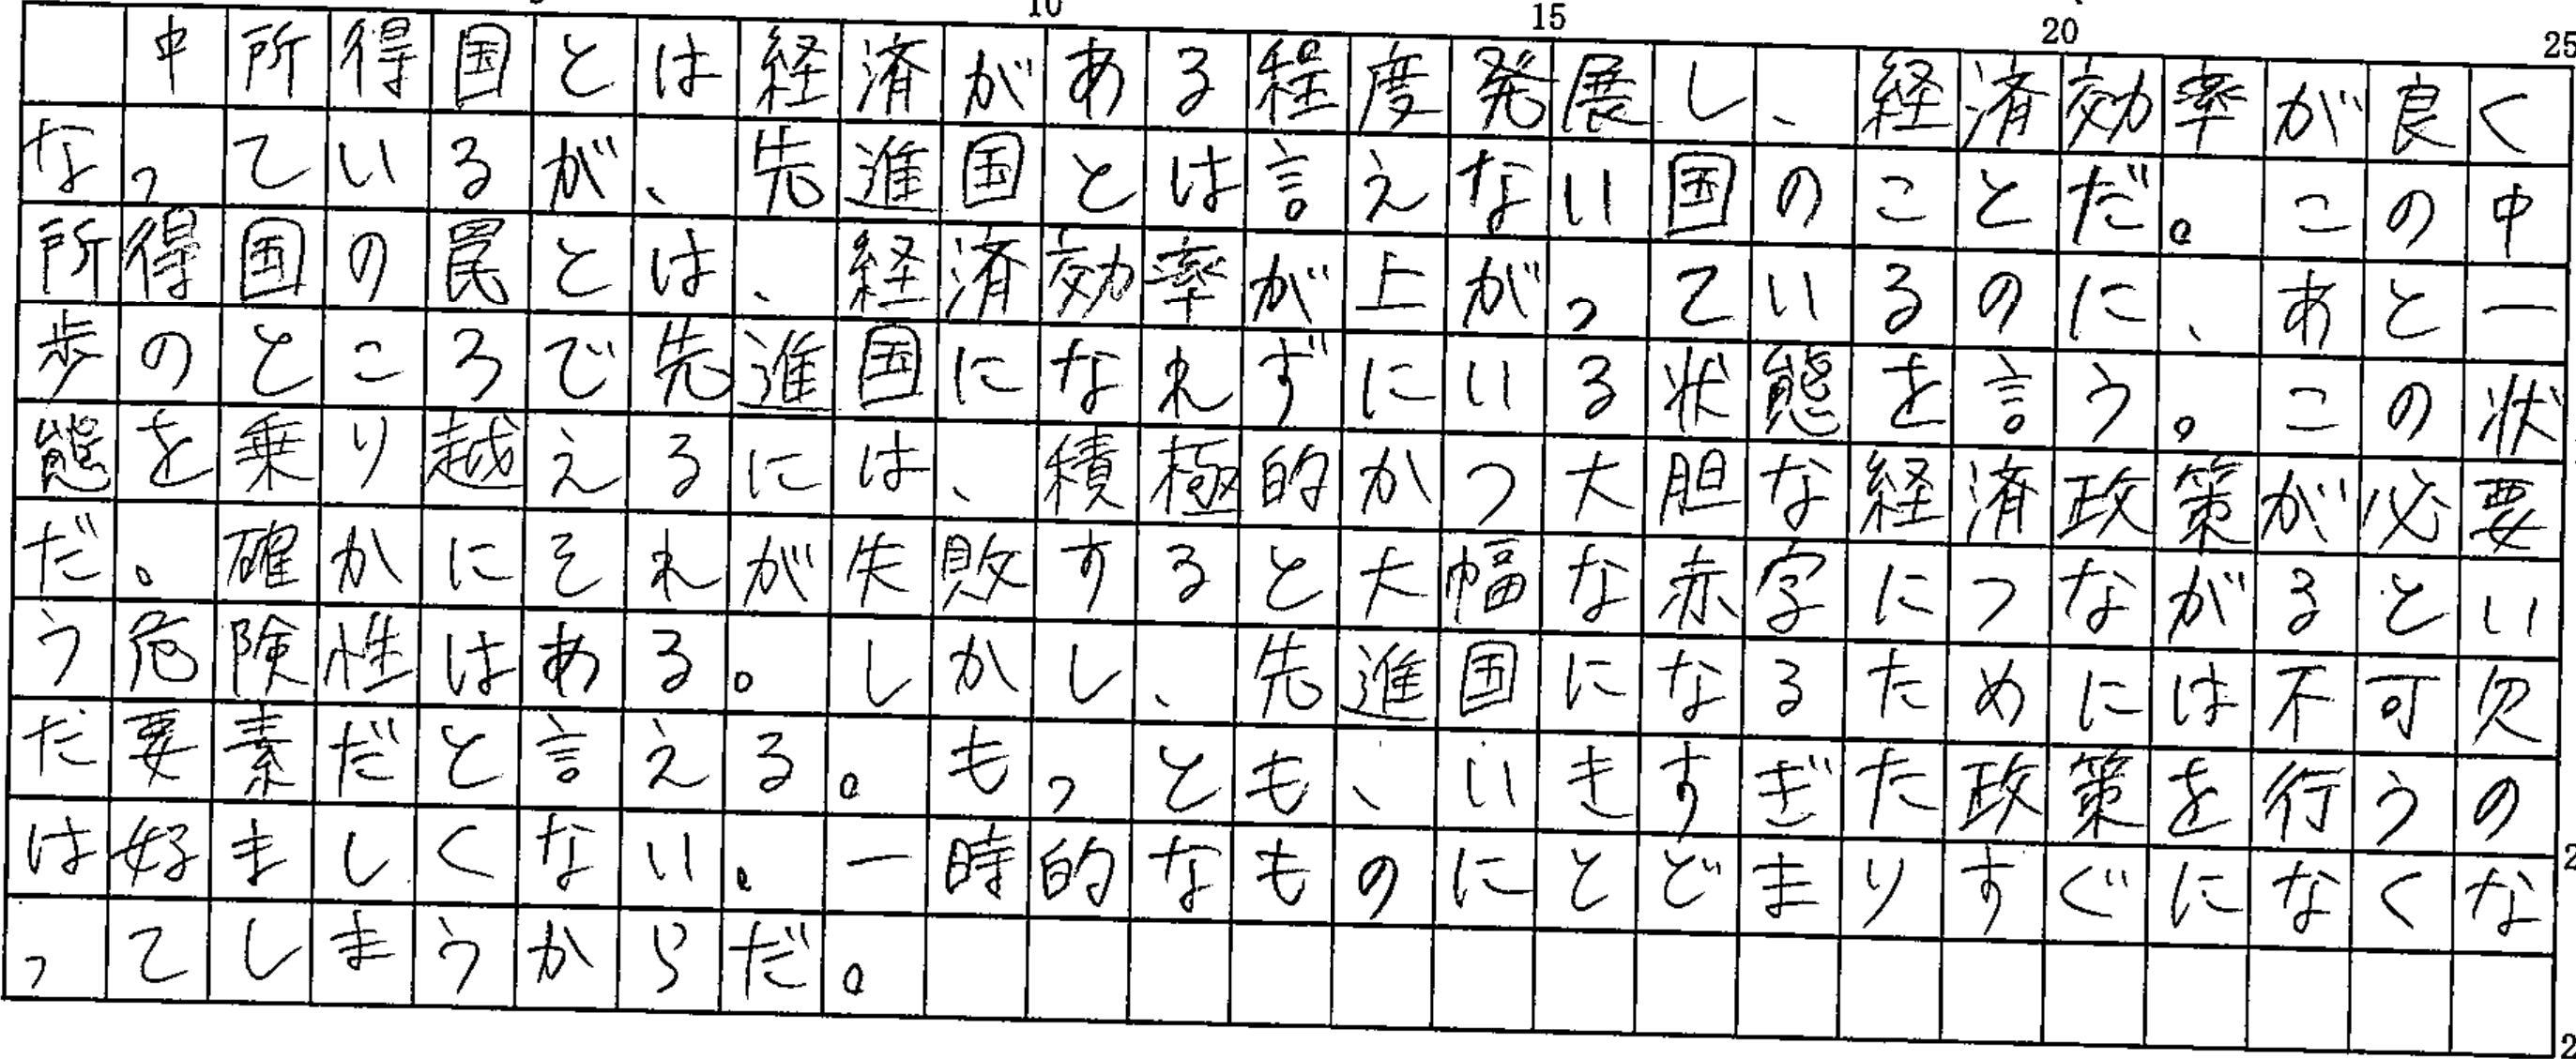　中所得国とは経済がある程度発展し、経済効率が良くなっているが、先進国とは言えない国のことだ。この中所得国の罠とは、経済効率が上がっているのに、あと一歩のところで先進国になれずにいる状態を言う。この状態を乗り越えるには、積極的かつ大胆な経済政策が必要だ。確かにそれが失敗すると大幅な赤字につながるという危険性はある。しかし、先進国になるためには不可欠た要素だと言える。もっとも、いきすぎた政策を行うのは好ましくない。一時的なものにとどまりすぐになくなってしまうからだ。
